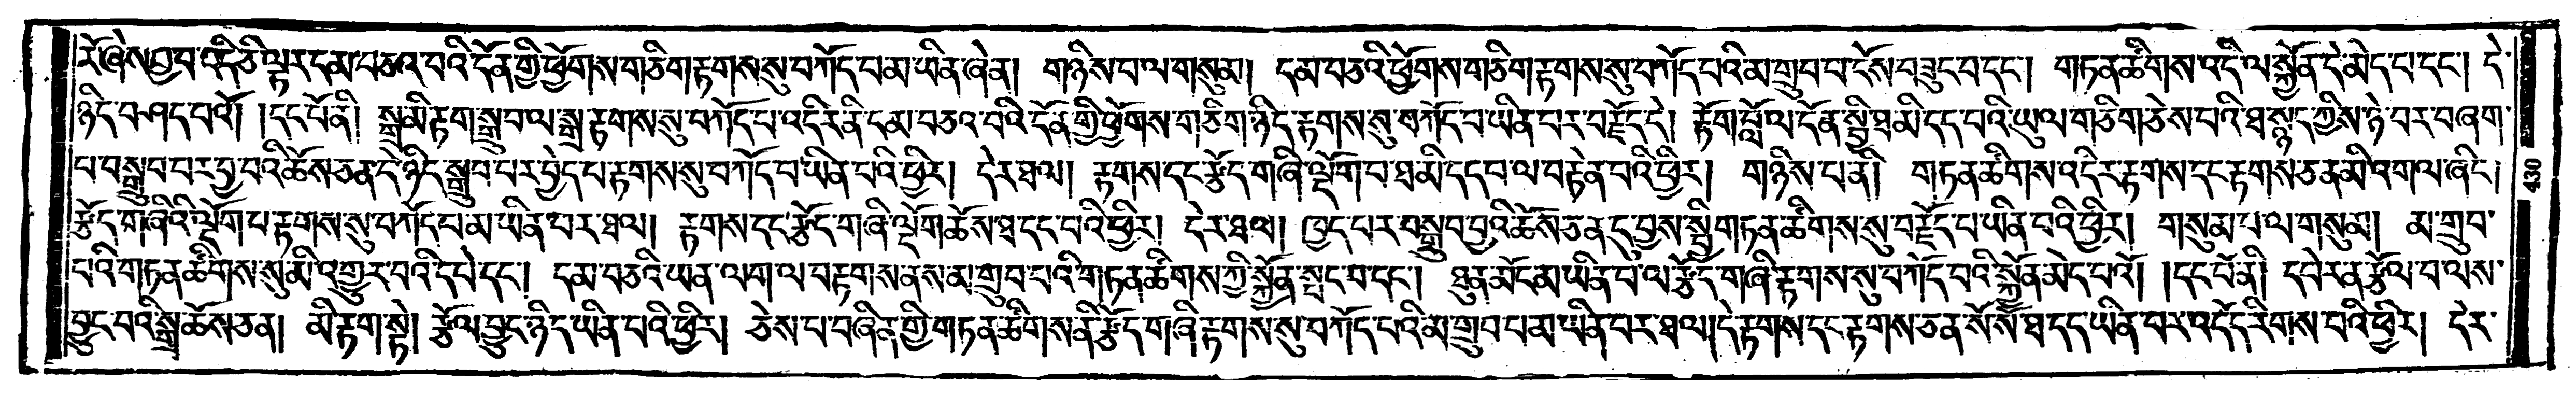རོ་ཞེས་བྱ་བ་འདི་ཅི་ལྟར་དམ་བཅའ་བའི་དོན་གྱི་ཕྱོགས་གཅིག་རྟགས་སུ་བཀོད་པ་མ་ཡིན་ཞེ་ན། གཉིས་བ་ལ་གསུམ། དམ་བཅའི་ཕྱོགས་གཅིག་རྟགས་སུ་བཀོད་པའི་མ་གྲུབ་པ་ངོས་བཟུང་བ་དང་། གཏན་ཚིགས་འདི་ལ་སྐྱོན་དེ་མེད་པ་དང་། དེ་
ཉིད་བཤད་པའོ། །དང་པོ་ནི། སྒྲ་མི་རྟག་སྒྲུབ་ལ་སྒྲ་རྟགས་སུ་བཀོད་པ་འདིར་ནི་དམ་བཅའ་བའི་དོན་གྱི་ཕྱོགས་གཅིག་ཉིད་རྟགས་སུ་བཀོད་བ་ཡིན་པར་བརྗོད་དེ། རྟོག་བློ་ལ་དོན་སྦྱི་ཐ་མི་དད་བའི་ཡུལ་གཅིག་ཅེས་བའི་ཐ་སྙད་ཀྱིས་ཉེ་བར་བཞག་
པ་བསྒྲུབ་པར་བྱ་བའི་ཆོས་ཅན་དེ་ཉིད་སྒྲུབ་པར་བྱེད་པ་རྟགས་སུ་བཀོད་བ་ཡིན་པའི་ཕྱིར། དེར་ཐལ། རྟགས་དང་རྩོད་གཞི་ལྡོག་བ་ཐ་མི་དད་བ་ལ་བརྟེན་པའི་ཕྱིར། གཉིས་པ་ནི། གཏན་ཚིགས་འདིར་རྟགས་དང་རྟགས་ཅན་མི་འགལ་ཞིང་།
རྩོད་གཞིའི་ལྡོག་པ་རྟགས་སུ་བཀོད་པ་མ་ཡིན་པར་ཐལ། རྟགས་དང་རྩོད་གཞི་ལྡོག་ཆོས་ཐ་དད་པའི་ཕྱིར། དེར་ཐལ། ཁྱད་པར་བསྒྲུབ་བྱའི་ཆོས་ཅན་དུ་བྱས་སྤྱི་གཏན་ཚིགས་སུ་བརྗོད་པ་ཡིན་བའི་ཕྱིར། གསུམ་པ་ལ་གསུམ། མ་གྲུབ་
པའི་གཏན་ཚིགས་སུ་མི་འགྱུར་བའི་དཔེ་དང་། དམ་བཅའི་ཡན་ལག་ལ་བརྟགས་ནས་མ་གྲུབ་པའི་གཏན་ཚིགས་ཀྱི་སྐྱོན་སྤང་བ་དང་། ཐུན་མོང་མ་ཡིན་པ་ལ་རྩོད་གཞི་རྟགས་སུ་བཀོད་བའི་སྐྱོན་མེད་པའོ། །དང་པོ་ནི། དཔེར་ན་རྩོལ་བ་ལས་
བྱུང་བའི་སྒྲ་ཆོས་ཅན། མི་རྟག་སྟེ། རྩོལ་བྱུང་ཉིད་ཡིན་པའི་ཕྱིར། ཅེས་པ་བཞིན་གྱི་གཏན་ཚིགས་ནི་རྩོད་གཞི་རྟགས་སུ་བཀོད་པའི་མ་གྲུབ་པ་མ་ཡིན་པར་ཐལ། དེ་རྟགས་དང་རྟགས་ཅན་སོ་སོ་ཐ་དད་ཡིན་བར་འདོད་རིགས་བའི་ཕྱིར། དེར་